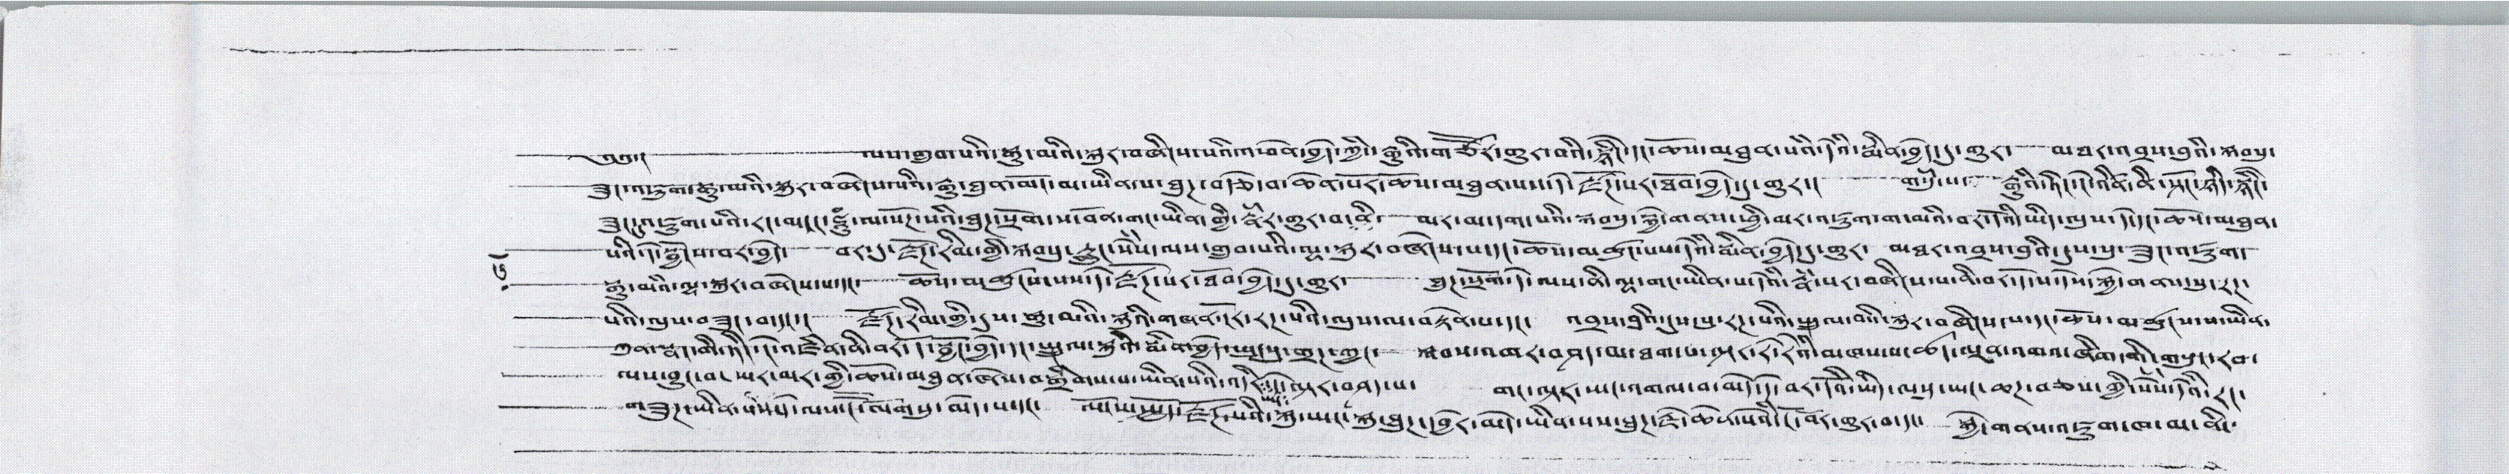ལས་གྲུབ་པའི་སྒྱུ་མའི་སྐུར་བཞེངས་པའི་འཕེན་བྱེད་ཀྱི་རྒྱུ་ཡི་གཙོ་བོར་གྱུར་པའི་སྙིང་རྗེ་དང་ཆོས་མཐུན་པའི་དེའི་སྨིན་བྱེད་དུ་གྱུར། མཐར་འབྲས་བུའི་སྐབས་སུ་
ཟུང་འཇུག་སྒྱུ་མའི་སྐུར་བཞེངས་པའི་རྒྱུ་ཐུན་མོང་མ་ཡིན་པ་ཐུགས་བརྩེ་བ་ཆེན་པོར་ཆོིས་མཐུན་པས་དེ་རྫོགས་པར་ཐོབ་བྱེད་དུ་གྱུར། གསུམ་པ་རྒྱུ་ཡི་ཏིང་ངེ་འཛིན་ནི། སྟོང་ཉིད་སྙིང་རྗེ་
ཟུང་དུ་འཇུག་པའི་རང་མདངས་ཧཱུཾ་ལ་སོགས་པའི་ཐུགས་སྲོག་ས་བོན་གང་ཡིན་གྱི་རྣམ་པར་གྱུར་པ་ནི། མར་མ་དག་པའི་སྐབས་སུ་སྐྱེ་གནས་ཕྱི་མར་འཇུག་ག་མའི་བར་དོའི་ཡིད་ལུས་དེ་དང་ཆོསཱྀ་མཐུན་
པས་དེ་སྦྱོང་བར་བྱེད། བར་དུ་རྫོགས་རིམ་གྱི་སྐབས་སུ་རླུང་སེམས་ལས་གྲུབ་པའི་ལྷ་སྐུར་བཞེངས་པ་དང་ཆོས་མཚུངས་པས་དེའི་སྨིན་བྱེད་དུ་གྱུར། མཐར་འབྲས་བུའི་དུས་ཟུང་འཇུག་
སྒྱུ་མའི་ལྷ་སྐུར་བཞེངས་པ་དང་ཆོས་མཚུངས་པས་དེ་རྫོགས་པར་ཐོབ་བྱེད་དུ་གྱུར། ཐུགས་སྲོག་དེ་ལས་ནི་ལྷ་གང་ཡིན་པ་དེའི་རྣམ་པར་བཞེངས་པ་ནི་བར་དོ་བ་དེས་སྐྱེ་གནས་སུ་རགས་
པའི་ལུས་བཟུང་བ་དང་། རྫོགས་རིམ་གྱི་དུས་སྒྱུ་མའི་སྐུའི་གཞན་ངོར་རགས་པའི་ལུས་ལ་བརྟེན་པ་དང་། འབྲས་བུའི་དུས་སུ་རགས་པའི་སྤྲུལ་པའི་སྐུར་བཞེངས་པ་དང་ཆོས་མཚུངས་པ་ཡིན། 
ཀུན་སྣང་གི་ཏིང་ངེ་འཛིན་ནི་བར་དོ་སྦྱོང་བྱེད་དང་སྤྲུལ་སྐུའི་སྨིན་བྱེད་ཡོངས་སུ་གྲགས་ཀྱང་། སྐབས་འགར་བཤད་མ་ཐག་པ་ལྟར་རེ་རེའི་མཁས་པ་ཚད་ལྡན་འགའ་ཞིག་གི་གསུང་རབ་
ལས་བྱུང་བ་ཡར་མར་གྱི་ཆོས་མཐུན་ཞེས་བསྒྲིགས་པ་ཡིན་པས་འདིར་ཡང་དེ་ལྟར་བཤད་པ་གང་ལྟར་ཡང་འགལ་བ་མེད་དེ་བར་དོའི་ཡིད་ལུས་སུ་ཡང་ཆགས་བཅས་ཀྱི་སེམས་དེའི་རང་
གཟུགས་ཡིན་པས་དེ་ལས་ངོ་བོ་ལོགས་སུ་མེད་པ་དང་། ལོངས་སྤྱོད་རྫོགས་པའི་སྐུ་ཡང་སྐུ་ཐུགས་དབྱེར་མེད་ཡིན་པས་ཐུགས་རྗེ་ཆེན་པོའི་ངོ་བོར་གྱུར་པ་དང་། སྐྱེ་གནས་འཇུག་ཁ་མ་ནིང་